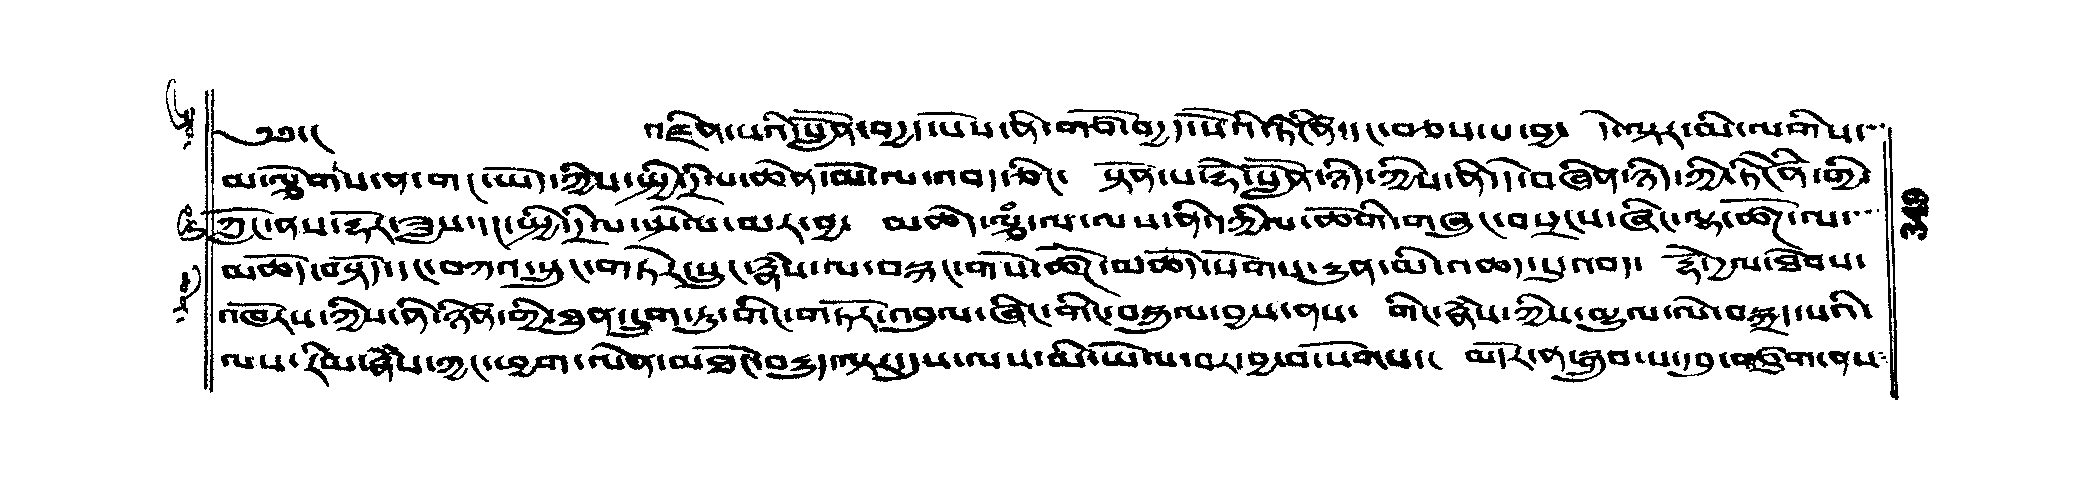འཛིན་པའི་སློབ་དཔོན་བརྒྱད་པོས་ནི་གཙོ་བོ་བརྒྱད་པོའི་ཏིང་འཛིན་དང་བཅས་པ་བྱ། དེ་ལྟར་མི་ལག་གིས་
མ་ལྕོགས་ན་གང་ཡོད་ཀྱི་སྤྱི་དྲིལ་ཆེན་མོ་ལ་འབད་ཅིང་། སྟོན་པ་རྡོ་རྗེ་སློབ་དཔོན་ཉིད་ཀྱིས་ནི་དེ་བཞིན་ཉིད་ཀྱི་ཏིང་ངེ་འཛིན་གྱི་
ཀློང་ནས་རྡོར་བཟླས་དང་སྤྱི་དྲིལ་སྤེལ་མར་བྱ། མཆེད་ལྕམ་ལ་ལས་ནི་དཀྱིལ་ཆོག་གི་གཞུང་བསྲང་ཞིང་ལྷ་ཚོགས་ལ་
མཆོད་བསྟོད་དང་བཀའ་སྲུང་གཏེར་སྲུང་རྣམས་ལ་བསྐང་གསོ་ཚོགས་མཆོད་སོགས་རྒྱུན་མི་འཆད་དུ་འབད། རྡོ་རྗེ་རྒྱལ་ཐེབས་
འཁོར་བཅས་ཀྱི་ཉིན་མཚན་གྱི་ཐུན་དྲུག་ཏུ་གིང་གཏོར་འབུལ་ཞིང་གིང་བསྐུལ་བྱས་ནས། གིང་རྣམས་ཀྱི་མྱུལ་ལེ་བསྐྲད་པའི་
ལས་རིམ་རྣམས་ཀྱང་ཕྱག་ལེན་མཐོང་བརྒྱུད་ལྟར་དུས་ལས་མི་ཡོལ་བར་བྱ་བ་སོགས། མདོར་ན་སྒྲུབ་པ་དབུ་བཙུགས་ནས་